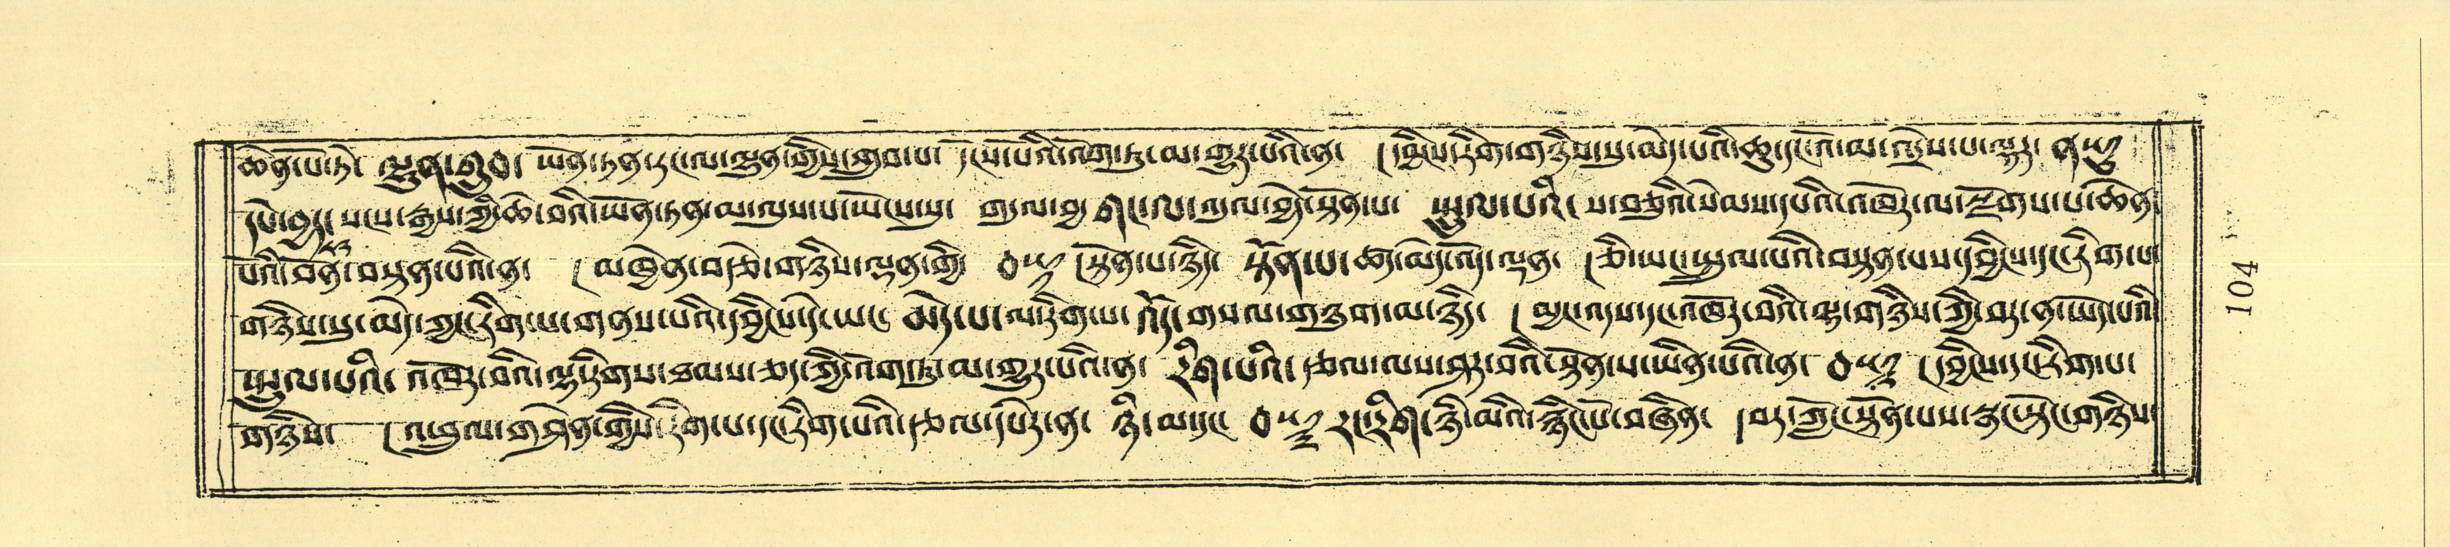ཆེན་པོ་སྟེ། ལྷུན་གྲུབ་ཡོན་ཏན་ལྷུན་གྲུབ་པ་དངོས་པོའི་འོག་ཏུ་མ་གྱུར་ན། དབྱིངས་རིག་གཉིས་སུ་མེད་པའི་ཆུ་དང་འོ་མ་འདྲེས་པ་ལྟར་ ན༥༡།༦
དཔེ་བྱད་སངས་རྒྱས་ཀྱི་ཆེ་བའི་ཡོན་ཏན་མ་ལུས་པ་ཡོངས་སུ། གདུལ་བྱ་གང་ལ་གང་འདུལ་བྱེད་སྟོན་པ་ སྤྲུལ་པའི་ས་བཅུའི་སེམས་དཔའི་འཁོར་ལ་རྫོགས་པ་ཆེན་
པོའི་བོན་བསྟན་པས་ན་མཁྱེན་བརྩེ་གཉིས་ལྡན་གྱི་ བ༥༡།༡སྟོན་པ་ཉིད་ སྟོན་པ་ཚད་མེད་འོད་ལྡན་ ཅི་ཡང་སྤྲུལ་པའི་བསྟན་པས་དབྱིངས་དང་རིག་པ་
གཉིས་སུ་མེད་ཀྱང་རིག་པ་གནས་པའི་དབྱིངས་དེ་ཡང་ མེད་པ་ལ་རིག་པ་ འོད་གསལ་གཉུག་མ་ཉིད་ མྱང་འདས་དང་འཁོར་བའི་ལྷ་གཉིས་ཀྱི་བར་ན་ཡོད་པའི་
སྤྲུལ་པའི་ འཁོར་བའི་ལྷ་རིགས་ཐམས་ཅད་ཀྱི་འོག་ཏུ་མ་གྱུར་པས་ན་ རིོག་པའི རྩལ་ལས་ཤར་བའི་སྟོན་པ་ཡིན་པས་ན་ བ༥༡།༢ དབྱིངས་དང་རིག་པ་
གཉིས། འཕྲུལ་གཤེན་གྱིས་རིག་པ་དང་རིག་པའི་རྩལ་དཔེར་ན་ ཉི་མ་དང་ བ༥༡།༣རང་རིག་ཉི་མའི་སྙིང་པོ་བཞིན་ བར་ཀློང་སྟོན་པས་སྣང་སྟོང་གཉིས་མེད་